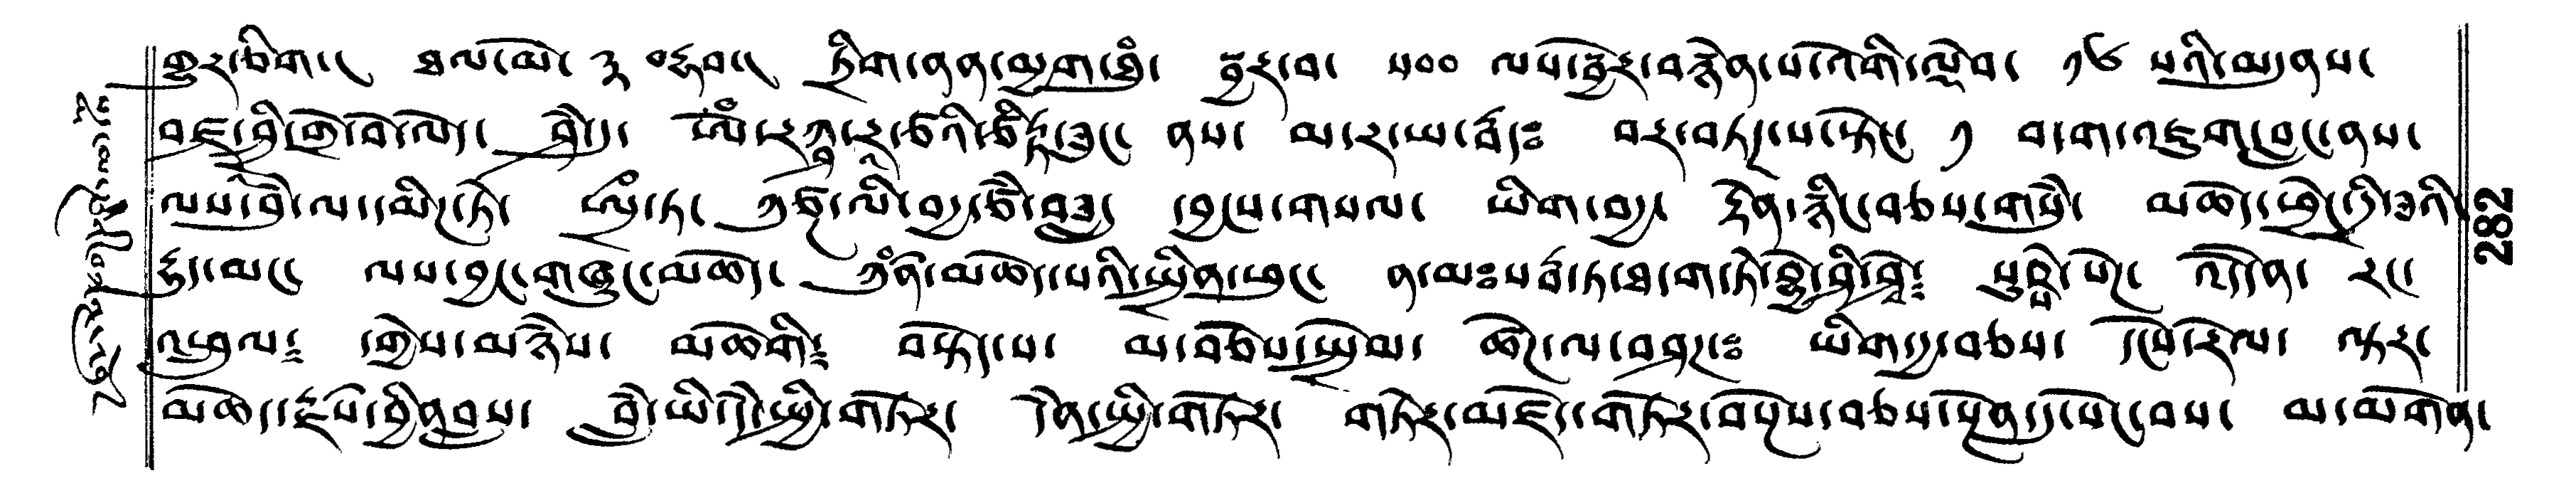གྱུར་ཅིག༔ ཐལ་མོ་གསུམ་བརྡབ། ཏྲིག་ནན་མྱག་ཐུམ༴ སྦྱར་བ་ལྔ་བརྒྱ། ལས་སྦྱོར་བསྙེན་པ། འོག་གི་ལྡེབ་བཅུ་དྲུག་པའི་མདུན་ནས། 
བཛྲ་ཤྲཱི་གྲོ་བོ་ལོད༴ ཤམ་དུ། ཨོཾ་རཀྵ་རཱ་ཙའི་ཙིཏྟ་ཟུང༴ ནས། མ་ར་ཡ་རྦད༔ བར་བཏགས་པ་སྟོང་གཅིག བདག་འཇུག་བླངས་ནས་
ལས་བུམ་ལ་དམིགས་ཏེ། ཨ་མྲི་ཏ་ཀུནྜ་ལི༴ བརྒྱ་ཙམ་བཟླ། དབྱངས་གསལ། ཡིག་བརྒྱ། རྟེན་སྙིང་བཅས་གསུམ། མཆོད་ཕྲེང་དྲི་ཟའི་
རྒྱུད་མང་། ལས་བྱང་གཞུང་མཆོད། ཀུན་བཟང་མཆོད་པའི་སྤྲིན་ཕུང༴ ན་མཿསརྦ་ཏ་ཐ་ག་ཏེ་བྷྱོ་ཤི་ཤྭོ༴ པུཥྤེ༴ སོགས། འདོད་ཡོན། རང་
འཕྲུལ༴ དགྱེས་མཉེས་མཆོག་གི༴ བསྟོད་པ། མ་བཅོས་སྤྲོས་བྲལ༴ ཚོགས་ལ་བཤགས༔ ཡིག་རྒྱ་བཅས། དངོས་རོལ་ལྟར་
མཆོད་རྫས་བྱིན་རླབས། བླ་མ་ཡི་དམ་སྤྱི་གཏོར། དམ་ཅན་སྤྱི་གཏོར། གཏེར་མཛོད་གཏོར་བསྔོས་བཅས་སྔོན་དུ་སོང་བས། མ་མགོན་